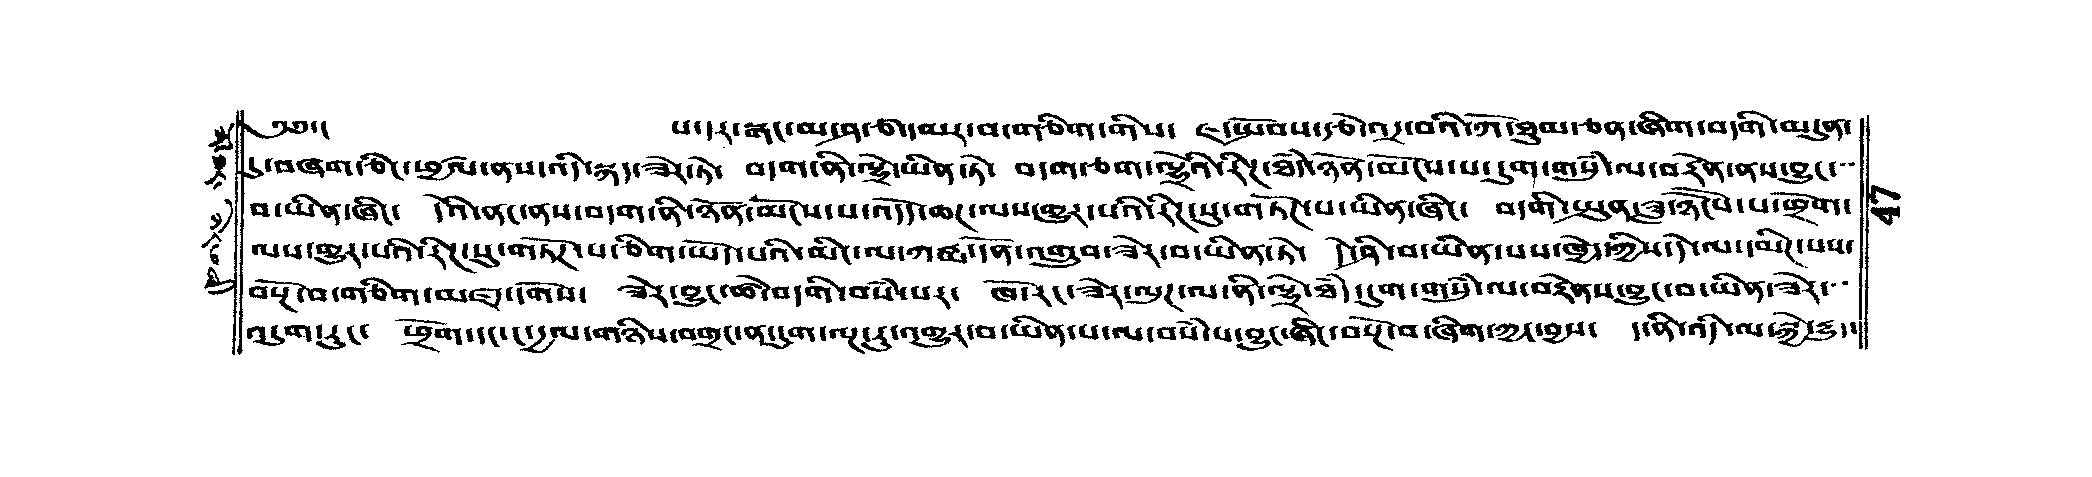པ་དར་སྒང་མ་ཤ་ཙ་དམར་བ་གཅིག་གིས། ཇ་སྤོབས་རྩེ་འདྲ་བའི་ཀོ་ཐུམ་ཅན་ཞིག་བདག་གི་མདུན་
དུ་བཞག་ཅིང་ཕྱག་འཚལ་ནས་འདི་སྐད་ཟེར་ཏེ། བདག་ནི་ལྷ་འདྲེ་ཡིན་ཏེ། བདག་ཅན་ལྷ་འདྲེའི་རིགས་ཐམས་ཅད་ཉོན་མོངས་པ་དུག་གསུམ་ལ་བརྟེན་ནས་བྱུང་
བ་ཡིན་ཞིང་། དེའི་ནང་ནས་བདག་ནི་ཉོན་མོངས་པ་འདོད་ཆགས་ལས་གྱུར་པའི་རིགས་སུ་གཏོགས་པ་ཡིན་ཞིང་།བདག་གི་སྤུན་ཟླ་ཉོན་མོངས་པ་ཕྲག་དོག་
ལས་གྱུར་པའི་རིགས་སུ་གཏོགས་པ་གཅིག་ཡོད་པའི་མིང་ལ་ཀརྨ་དོན་འགྲུབ་ཟེར་བ་ཡིན་ཏེ། དེ་ཤི་བ་ཡིན་པས་ཁྱེད་ཀྱིས་དེ་ལ་དམིགས་པས་
བསྔོ་བ་གཅིག་མཛད་དགོས་ཟེར་བྱུང་ཚེ་བདག་གི་བསམ་པར། ཁོ་རང་ཟེར་ལུགས་ལ་ནི་ལྷ་དྲེ་ཐམས་ཅད་དུག་གསུམ་ལ་བརྟེན་ནས་བྱུང་བ་ཡིན་ཟེར་
འདུག་རུང་། ཕྲག་དོག་དང་ང་རྒྱལ་གཉིས་བགྲང་ན་དུག་ལྔ་རུ་འགྱུར་བ་ཡིན་པ་ལ་བསམ་པ་བྱུང་ཞིང་བསྔོ་བ་ཞིག་ཀྱང་བྱས། ད་ནི་འདི་ལ་སྐྱེ་རྒྱུད་